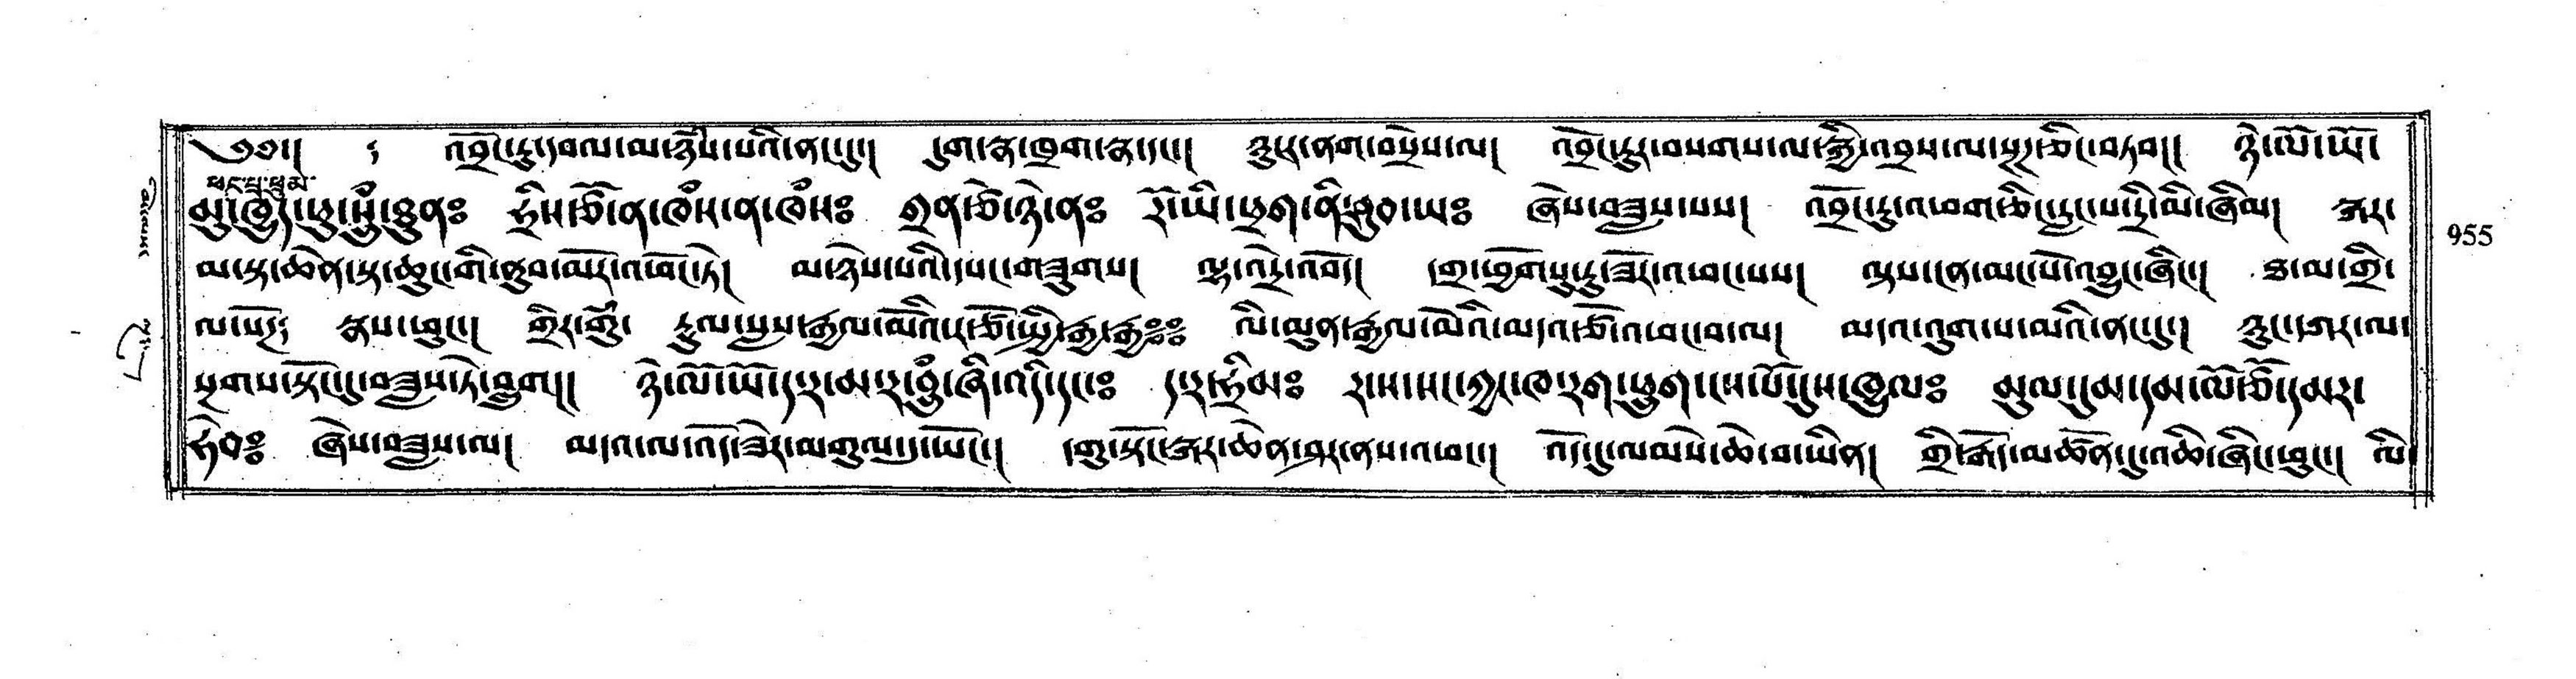འབྲོང་རུ་དབལ་མ་ཉམས་པའི་ནང་དུ། དུག་སྣ་ཁྲག་སྣ་དང་། ཉུང་ཁར་ནག་བསྲེས་ལ། འབྲོང་ཏུར་བསགས་ལ་སྐྱི་འབྲས་ལ་སྔགས་ཅིང་བཏབ།། ཉེ་ལོ་ཡོ་
མུ་ཕང་་པྲ་ཕྲུམ་ཁྱུད་ཕུ་སྲུཾ་ཐུནཿ ཧྲིས་ཙོ་ན་ཁམས་ན་ཁམསཿ གྲན་ཙེ་ཉེ་ནཿ རོ་ཡི་ཕྲག་ནི་ཤུབ་ཡཿ ཞེས་བཟླས་པས། འབྲོང་ཏུ་འཕག་ཅིང་རླང་པ་དྲི་མི་ཞིམ། སྐར་
མ་སྟ་ཆེན་སྟ་ཆུང་གི་ནུབ་མོར་འཕངས་ཏེ། མ་ཉེས་པའི་དཔང་གཟུགས། ལྷ་འདྲེ་འབོད། དགྲ་ཕྱོགས་སུ་རུ་ཟོར་འཕང་པས། ལྟས་ངན་མང་པོ་འབྱུང་ཞིང་། ཐ་མ་གྲི་
ལ་སོགས། སྣས་ཕུང་། གྲིར་གུམ་རྔུལ་སླས་རྒྱལ་མོའི་ར་ཙོ་སྤྱི་རྒྱ་རྒྱ༔༔ ལི་མུན་རྒྱལ་མོའི་མདའ་ཙོ་འཕང་བ་ལ། མདའ་འུག་པ་མའི་ནང་དུ། ཉུང་དཀར་ལ་
སྔགས་སྟོང་དུ་བཟླས་ཏེ་བླུག །། ཉེ་ལོ་ཡོ་ད་ར་མ་ར་བྲུཾ་ཞི་འདི་དང་༔ ད་ར་ཧྲིམཿ ར་ས་སང་ཀྱང་ཁ་རག་ཕྲུག་ངས་པོ་དུས་ཁྱུལཿ མུལ་དུམ་དམ་ལོ་ཙོ་དམར་
ཧེབ༔ ཞེས་བཟླས་ལ། མདའ་ལ་འོད་ཟེར་མགུལ་དུ་ཡོང་། དགུ་སྟོང་སྐར་ཆེན་ཤར་ནས་འཕང་། འོད་དུ་ལམསེ་ཆེ་བ་ཡིན། གྲི་རྒོད་མཚོན་དུ་འཆི་ཞིང་ཕུང་། ལི་